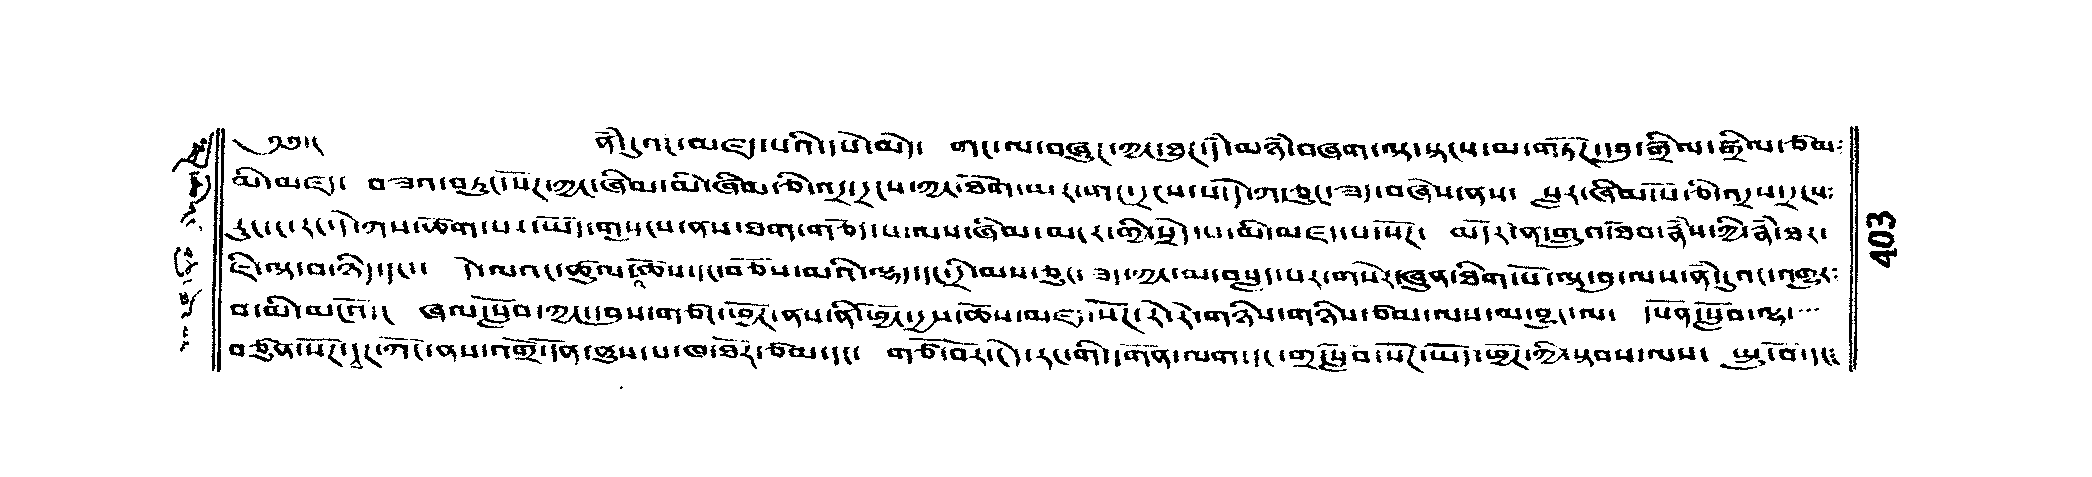ནམ་དུའང་མཛད་པའི་དཔེ་མེད། གང་ལ་བཞུགས་ཀྱང་ཐུགས་དམ་མཉམ་བཞག་ལྟ་སྟངས་མ་གཏོགས་དབུ་སྒྲིལ་སྒྲིལ་ཙམ་
མི་མཛད། བཟའ་བཏུང་སོགས་ཀྱང་ཞིམ་མི་ཞིམ་ཅི་འདྲ་དྲངས་ཀྱང་ཐོག་མར་གང་དྲངས་པ་དེ་ཀ་ཅུང་ཟད་བཞེས་ནས། སླར་ཞིམ་པོ་ཅི་འདྲས་དྲངས་
རུང་ང་རང་དེ་ཀས་ཆོག་པ་ཡོད་གསུངས་ནས་ཐག་གཅོད་པ་ལས་ཞིམ་མངར་གྱི་སྲེད་པ་མི་མཛད་པ་སོགས། མདོར་ན་གྲུབ་ཐོབ་རྣམས་ཀྱི་རྣམ་ཐར་
ཇི་ལྟ་བ་ཉིད་དང་། དེ་ལའང་ཚུལ་འཆོས་དང་བཅོས་མའི་ལྷད་དང་དྲི་མས་ཅུང་ཟད་ཀྱང་མ་བསླད་པར་གསེར་ཞུན་ཐིག་པོ་ལྟ་བུ་ལས་ནམ་དུའང་འགྱུར་
བ་མི་མངའའོ། ཞལ་སློབ་ཀྱང་དབུས་གཙང་ཕྱོགས་ནས་ནི་ཕྱོང་རྒྱས་ཆོས་མཛད་སོགས་རེ་རེ་གཉིས་གཉིས་ཙམ་ལས་མ་བྱུང་ལ། དཔོན་སློབ་ལྷ་
བཙུན་སོགས་དྭགས་ཀོང་ནས་འགྲོ་དོན་ནུས་པ་ཁ་ཐོར་ཙམ་དང་། གཙོ་བོར་ངེད་རང་གི་དགོན་ལག་དང་གྲྭ་སློབ་སོགས་ཡོད་ཕྱོགས་ཀྱི་སྟབས་ལས། སྤུ་བོ་དང་